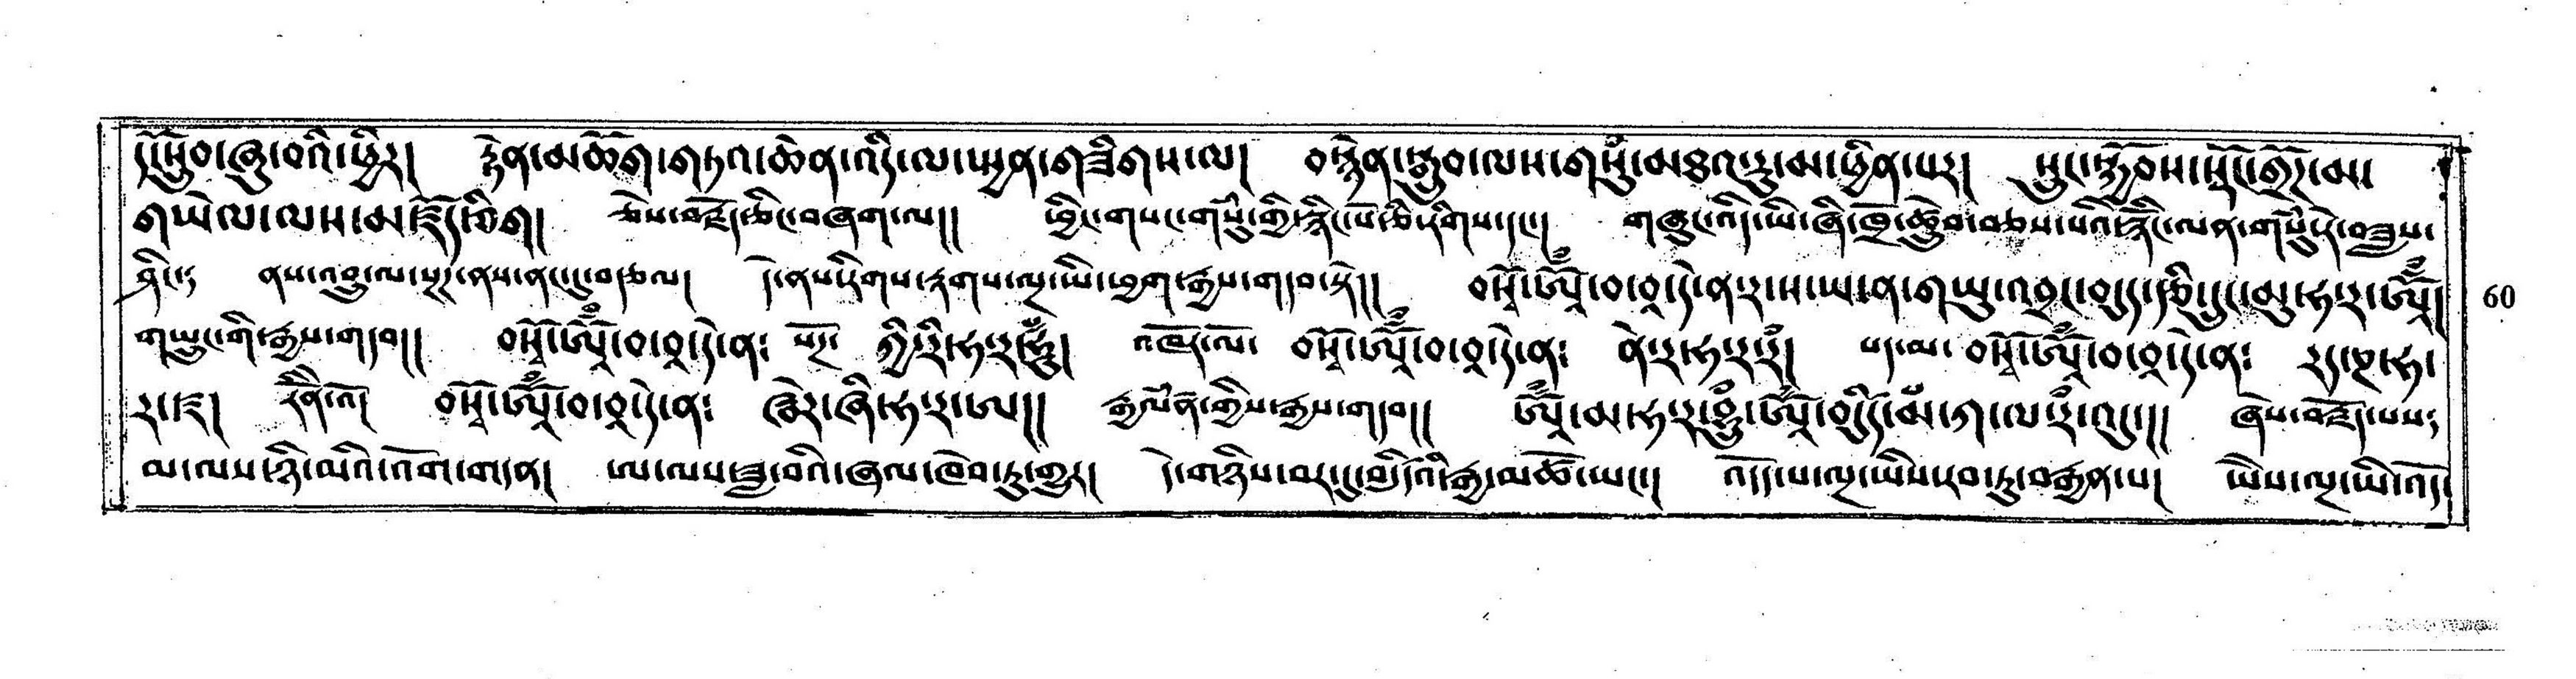དངོས་གྲུབ་ཞུ་བའི་ཕྱིར། རྟེན་མཆོག་གཏའ་ཆེན་འདི་ལ་སྤྱན་གཟིགས་ལ། བསྙེན་སྒྲུབ་ལས་གསུམ་མཐའ་རུ་མ་ཕྱིན་པར། སྲུང་སྐྱོབས་སྡོང་གྲོགས་མ་
གཡེལ་ལས་མཛོད་ཅིག ཅེས་བརྗོད་ཅིང་བཞག་ལ།། ཕྱི་ནང་གསང་གསུམ་གྱི་སྙིང་པོ་ཅི་རིགས་དང་། གཞུང་འདི་ཡི་ཞི་ཁྲོ་ཚེ་སྒྲུབ་བཅས་པའི་སྙིང་པོ་ལན་གསུམ་རེ་བཟླས་
ཤིང་། ནས་འབྲུ་ལ་སྔགས་ནས་ནང་དུ་བརྩལ། དེ་ནས་རིགས་རྟགས་ལྔ་ཡི་ཕྱག་རྒྱས་གདབ་སྟེ།། བསྭོ་ཨཱོཾ་བ་བཱ་དེ་ན་ར་ས་ཡ་ན་གཡུ་འབྲང་བདུད་རྩི་དྲུང་མུ་ཧ་ར་ཨཱོཾ། 
གཡུང་དྲུང་གི་རྒྱས་གདབ།། བསྭོ་ཨཱོཾ་བ་བཱ་དེ་ན༴ སོགས་ཀྱི་རི་ཧ་ར་ཧཱུྃ། འཁོར་ལོ་བསྭོ་ཨཱོཾ་བ་བཱ་དེ་ན༴ ནེ་ར་ཧ་ར་རཾ། པད་མ་བསྭོ་ཨཱོཾ་བ་བཱ་དེ་ན༴ རད་ཎ་ཧ་
ར་ཛ། རིན་པོ་ཆེའོ། བསྭོ་ཨཱོཾ་བ་བཱ་དེ་ན༴ ཝེར་ཞི་ཧ་ར་ཨ།། རྒྱལ་མཚན་གྱིས་རྒྱས་གདབ།། ཨཱོཾ་མ་ཧ་ར་བྷྲུཾ་ཨཱོཾ་བདུད་རྩི་མཾ་ཀ་ལ་རཾ་འདུ།། ཞེས་བརྗོད་པས 
མ་ལས་ཉི་མའི་འོག་གདན། ཨ་ལས་ཟླ་བའི་ཞལ་ཁེབ་ཏུ་གྱུར། དེ་གཉིས་བར་དུ་བདུད་རྩིའི་རྒྱ་མཚོ་ཡང་། འདོད་པ་ལྔ་ཡིས་རབ་ཏུ་བརྒྱན་པ། ཡེ་ཤེས་ལྔ་ཡི་འོད་